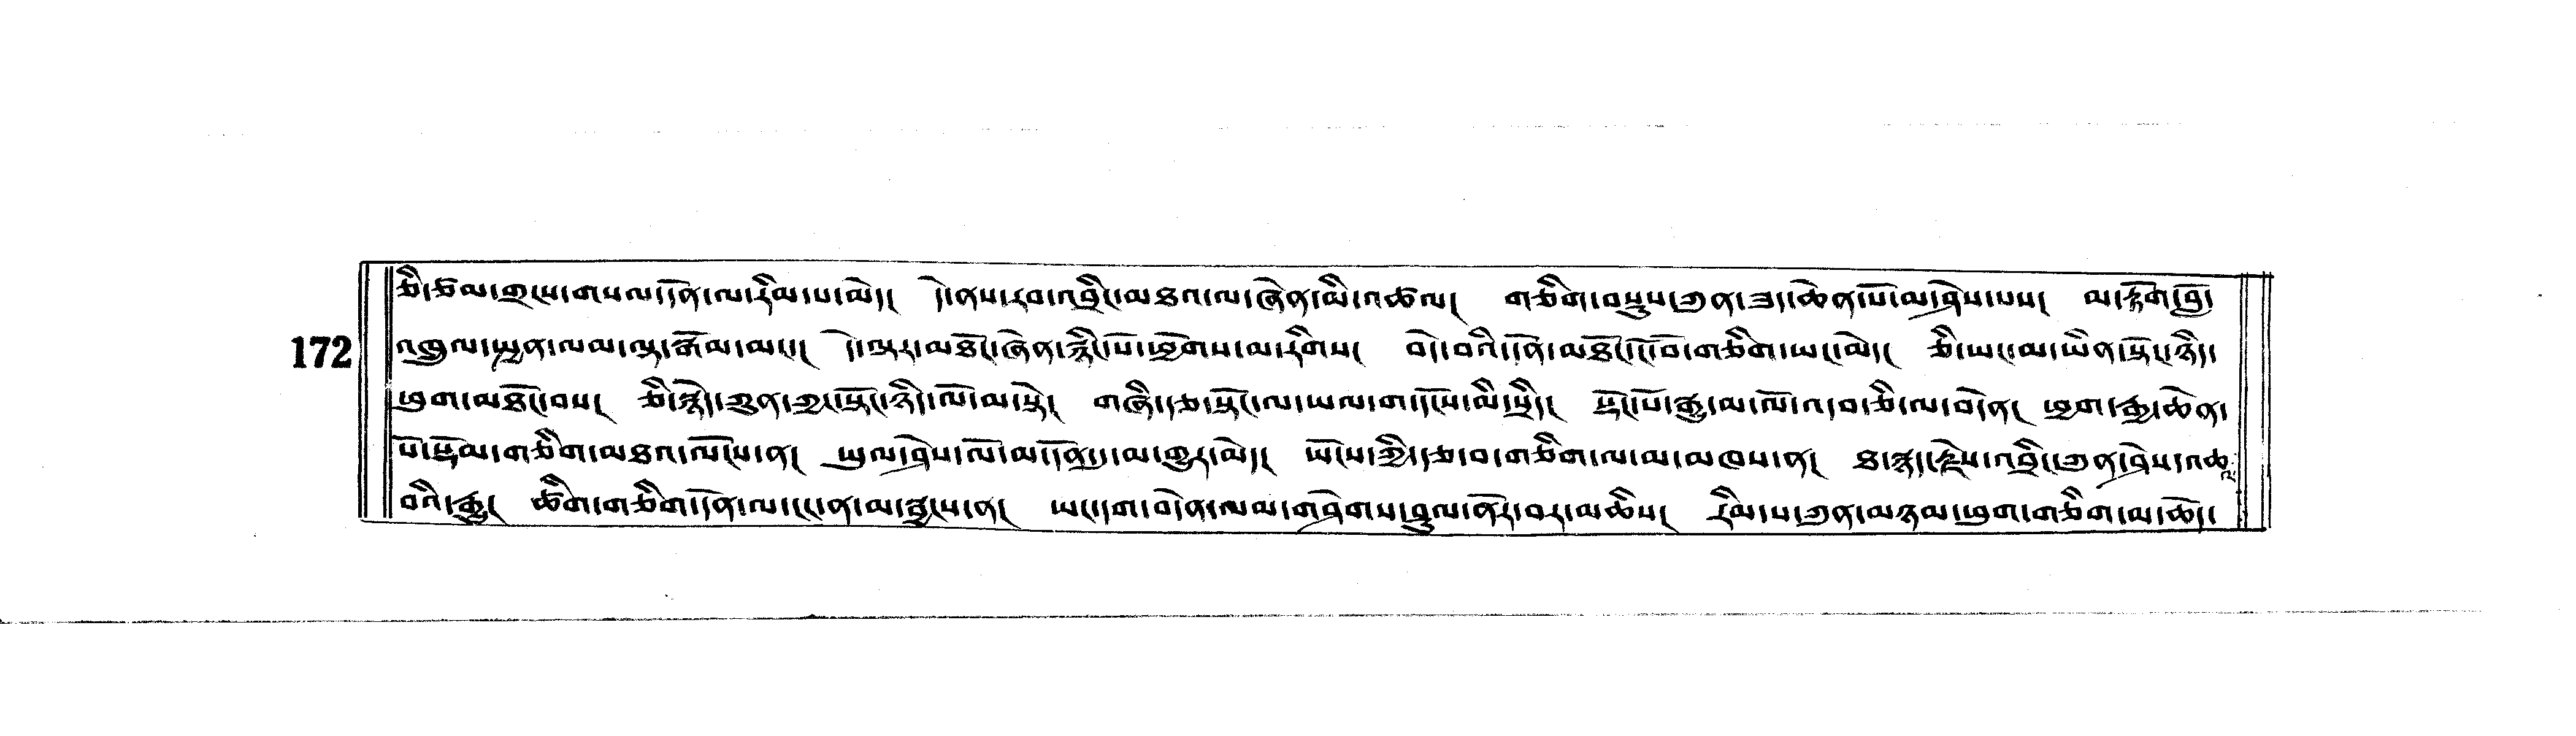ཅི་ཙམ་གྲངས་གསལ་དོན་ལ་རིམ་པ་མེད། དེ་ནས་རབ་འབྲིང་མཐའ་ལ་ཞེན་མི་འཚལ། གཅིག་བསྡུས་ཀུན་ཟད་ཆེན་པོ་མ་ཤེས་པས། མ་རྟོགས་བློ་
འཁྲུལ་སྤྱན་ལམ་ལྟ་སྒོམ་མང་། དེ་ལྟར་མཐོང་ཞེན་སྙིང་པོ་ཕྱོགས་མ་རིག བདེ་བའི་དོན་མཐོང་ངོ་བོ་གཅིག་ཀྱང་མེད། ཅི་ཡང་མ་ཡིན་སྟོང་ཉིད་
ཕུག་མཐོང་བས། ཅི་སྙེད་ཀུན་ཀྱང་སྟོང་ཉིད་ལོ་མ་སྟེ། བཞི་རྩ་་སྟོང་ལ་ཡལ་ག་དངོས་མི་སྲིད། སྡོང་པོ་སྒྱུ་མ་ལོ་འདབ་ཅི་ལ་བདེན། ཕྱག་རྒྱ་ཆེན་
པོ་སྡོམ་གཅིག་མཐའ་ལོངས་ན། ཡུལ་ཤེས་ལོ་མ་དོན་དུ་མ་གྱུར་མེད། ཡོངས་ཀྱི་རྩ་བ་གཅིག་ལ་མ་མཁས་ན། ཐ་སྙད་རྗེས་འབྲེངས་ཀུན་ཤེས་འཆལ་
བའི་རྒྱུ། ཚིག་གཅིག་དོན་ལ་ངང་ན་མ་སྦྱངས་ན། ཡང་དག་བདེན་ལམ་གཤེགས་ཤུལ་ནོར་བར་མཆིས། རིམ་པ་ཀུན་མཉམ་ཕུག་གཅིག་མ་ཆོད་